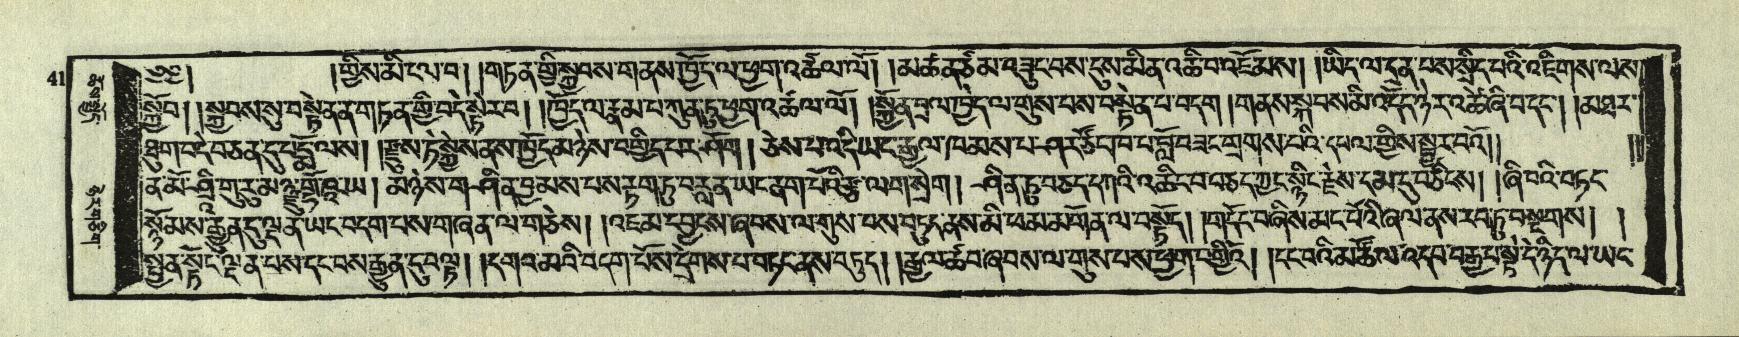༄༅། །གྱིས་མི་ངལ་བ། །གཏན་གྱི་སྐྱབས་གནས་ཁྱོད་ལ་ཕྱག་འཚལ་ལོ། །མཚན་ཙམ་བཟུང་བས་དུས་མིན་འཆི་བ་འཛོམས། །ཡིད་ལ་དྲན་པས་སྲིད་པའི་འཇིགས་ལས་
སྐྱོབ། །སྐྱབས་སུ་བསྟེན་ན་གཏན་གྱི་བདེ་སྟེར་བ། །ཁྱོད་ལ་རྣམ་པ་ཀུན་ཏུ་ཕྱག་འཚལ་ལོ། །སྐྱོན་བྲལ་ཁྱེད་ལ་གུས་པས་བསྟེན་པ་བདག །གནས་སྐབས་མི་འདོད་ཉེར་འཚེ་ཞི་བ་དང་། །མཐར་
ཐུག་བདེ་བ་ཅན་དུ་པད་མོ་ལས། །རྫུས་ཏེ་སྐྱེས་ནས་ཁྱོད་མཉེས་བགྱིད་པར་ཤོག ། ཅེས་པ་འདི་ཡང་རྒྱལ་ཁམས་པ་ཤར་ཙོང་ཁ་པ་བློ་བཟང་གྲགས་པའི་དཔལ་གྱིས་སྦྱར་བའོ།། །།
ན་མོ་ཤྲའི་གུ་རུ་མཉྫུ་གྷོ་ཥའ་ཡ། མཉེས་གཤིན་བྱམས་པས་རྟག་ཏུ་བརླན་ཡང་ནག་པོའི་རྩ་ལག་སྲེག །ཤིན་ཏུ་བཅད་དཀའི་འཆིང་བ་བཅད་ཀྱང་སྙིང་རྗེས་དམ་དུ་བཅིངས། །ཞི་བའི་བཏང་
སྙོམས་རྒྱུན་དུ་ལྡན་ཡང་བདག་པས་གཞན་ལ་གྖེས། །འཇམ་དབྱངས་ཞབས་ལ་གུས་པས་བཏུད་ནས་མི་ཕམ་མགོན་ལ་བསྟོད། །གདོང་བཞིས་མང་པོའི་ཞལ་ནས་རབ་ཏུ་བསྔགས། །
སྤྱན་སྟོང་ལྡན་པས་དང་བས་རྒྱུན་དུ་བལྟ། །དགའ་མའི་བདག་པོས་དྲེགས་པ་བཏང་ནས་བཏུད། །རྒྱལ་ཚབ་ཞབས་ལ་གུས་པས་ཕྱག་བགྱིའོ། །དང་བའི་མཚོལ་འདབ་བརྒྱ་པ་སྟེ་དེ་ཉིད་ལ་ཡང་